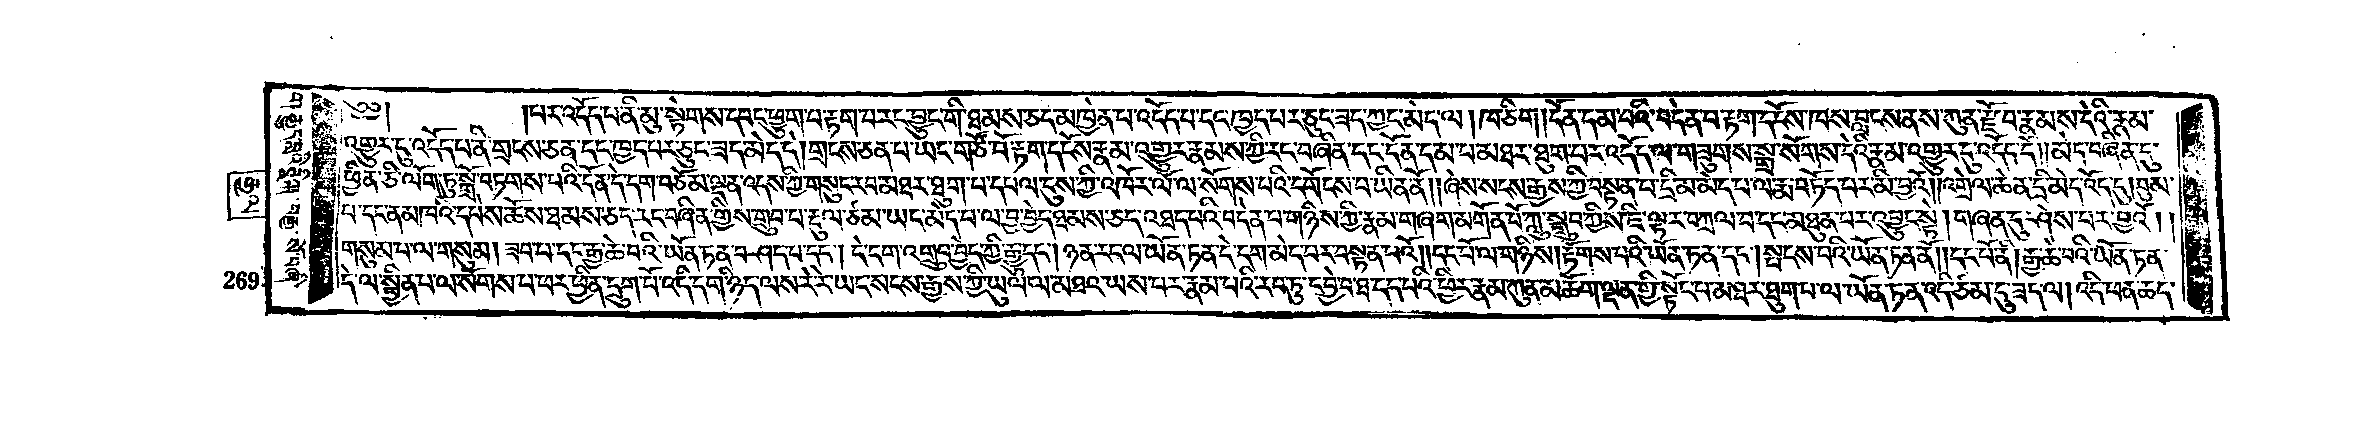༄༅། །པར་འདོད་པ་ནི་མུ་སྟེགས་དབང་ཕྱུགས་པ་རྟག་པ་རང་བྱུང་གི་ཐམས་ཅད་མཁྱེན་པ་འདོད་པ་དང་ཁྱད་པར་ཅུང་ཟད་ཀྱང་མེད་ལ། ཁ་ཅིག །དོན་དམ་པའི་བདེན་པ་རྟག་དངོས་ཁས་བླངས་ནས་ཀུན་རྫོབ་རྣམས་དེའི་རྣམ་
འགྱུར་དུ་འདོད་པ་ནི་གྲངས་ཅན་དང་ཁྱད་པར་ཅུང་ཟད་མེད་དེ། གྲངས་ཅན་པ་ཡང་གཙོ་བོ་རྟག་དངོས་རྣམ་འགྱུར་རྣམས་ཀྱི་རང་བཞིན་དང་དོན་དམ་པ་མཐར་ཐུག་པར་འདོད་ལ་གཟུགས་སྒྲ་སོགས་དེའི་རྣམ་འགྱུར་དུ་འདོད་དོ། །མེད་བཞིན་དུ་
ཕྱིན་ཅི་ལོག་ཏུ་སྒྲོ་བཏགས་པའི་དོན་དེ་དག་བཅོམ་ལྡན་འདས་ཀྱི་གསུང་རབ་མཐར་ཐུག་པ་དཔལ་དུས་ཀྱི་འཁོར་ལོ་ལ་སོགས་པའི་དགོངས་པ་ཡིན་ནོ། །ཞེས་སངས་རྒྱས་ཀྱི་བསྟན་པ་དྲི་མ་མེད་པ་ལ་རྨ་བཏོད་པར་མི་བྱའོ། །འགྲེལ་ཆེན་དྲི་མེད་འོད་དུ། བུམ་
པ་དང་ནམ་མཁའི་དཔེས་ཆོས་ཐམས་ཅད་རང་བཞིན་གྱིས་གྲུབ་པ་རྡུལ་ཙམ་ཡང་མེད་པ་ལ་བྱ་བྱེད་ཐམས་ཅད་འཐད་པའི་བདེན་པ་གཉིས་ཀྱི་རྣམ་གཞག་མགོན་པོ་ཀླུ་སྒྲུབ་ཀྱིས་ཇི་ལྟར་བཀྲལ་བ་དང་མཐུན་པར་འབྱུང་སྟེ། གཞན་དུ་ཤེས་པར་བྱའོ། །
གསུམ་པ་ལ་གསུམ། ཟབ་པ་དང་རྒྱ་ཆེ་བའི་ཡོན་ཏན་བཤད་པ་དང་། དེ་དག་འགྲུབ་བྱེད་ཀྱི་རྒྱུ་དང་། ཉན་རང་ལ་ཡོན་ཏན་དེ་དག་མེད་པར་བསྟན་པའོ། །དང་པོ་ལ་གཉིས། རྟོགས་པའི་ཡོན་ཏན་དང་། སྤངས་པའི་ཡོན་ཏན་ནོ། །དང་པོ་ནི། རྒྱ་ཆེ་བའི་ཡོན་ཏན་
དེ་ལ་སྦྱིན་པ་ལ་སོགས་པ་ཕར་ཕྱིན་དྲུག་པོ་འདི་དག་ཉིད་ལས་རེ་རེ་ཡང་སངས་རྒྱས་ཀྱི་ཡུལ་ལ་མཐའ་ཡས་པར་རྣམ་པའི་རབ་ཏུ་དབྱེ་བ་ཐ་དད་པའི་ཕྱིར་རྣམ་ཀུན་མཆོག་ལྡན་གྱི་སྟོང་པ་མཐར་ཐུག་པ་ལ་ཡོན་ཏན་འདི་ཙམ་དུ་ཟད་ལ། འདི་ཕན་ཆད་